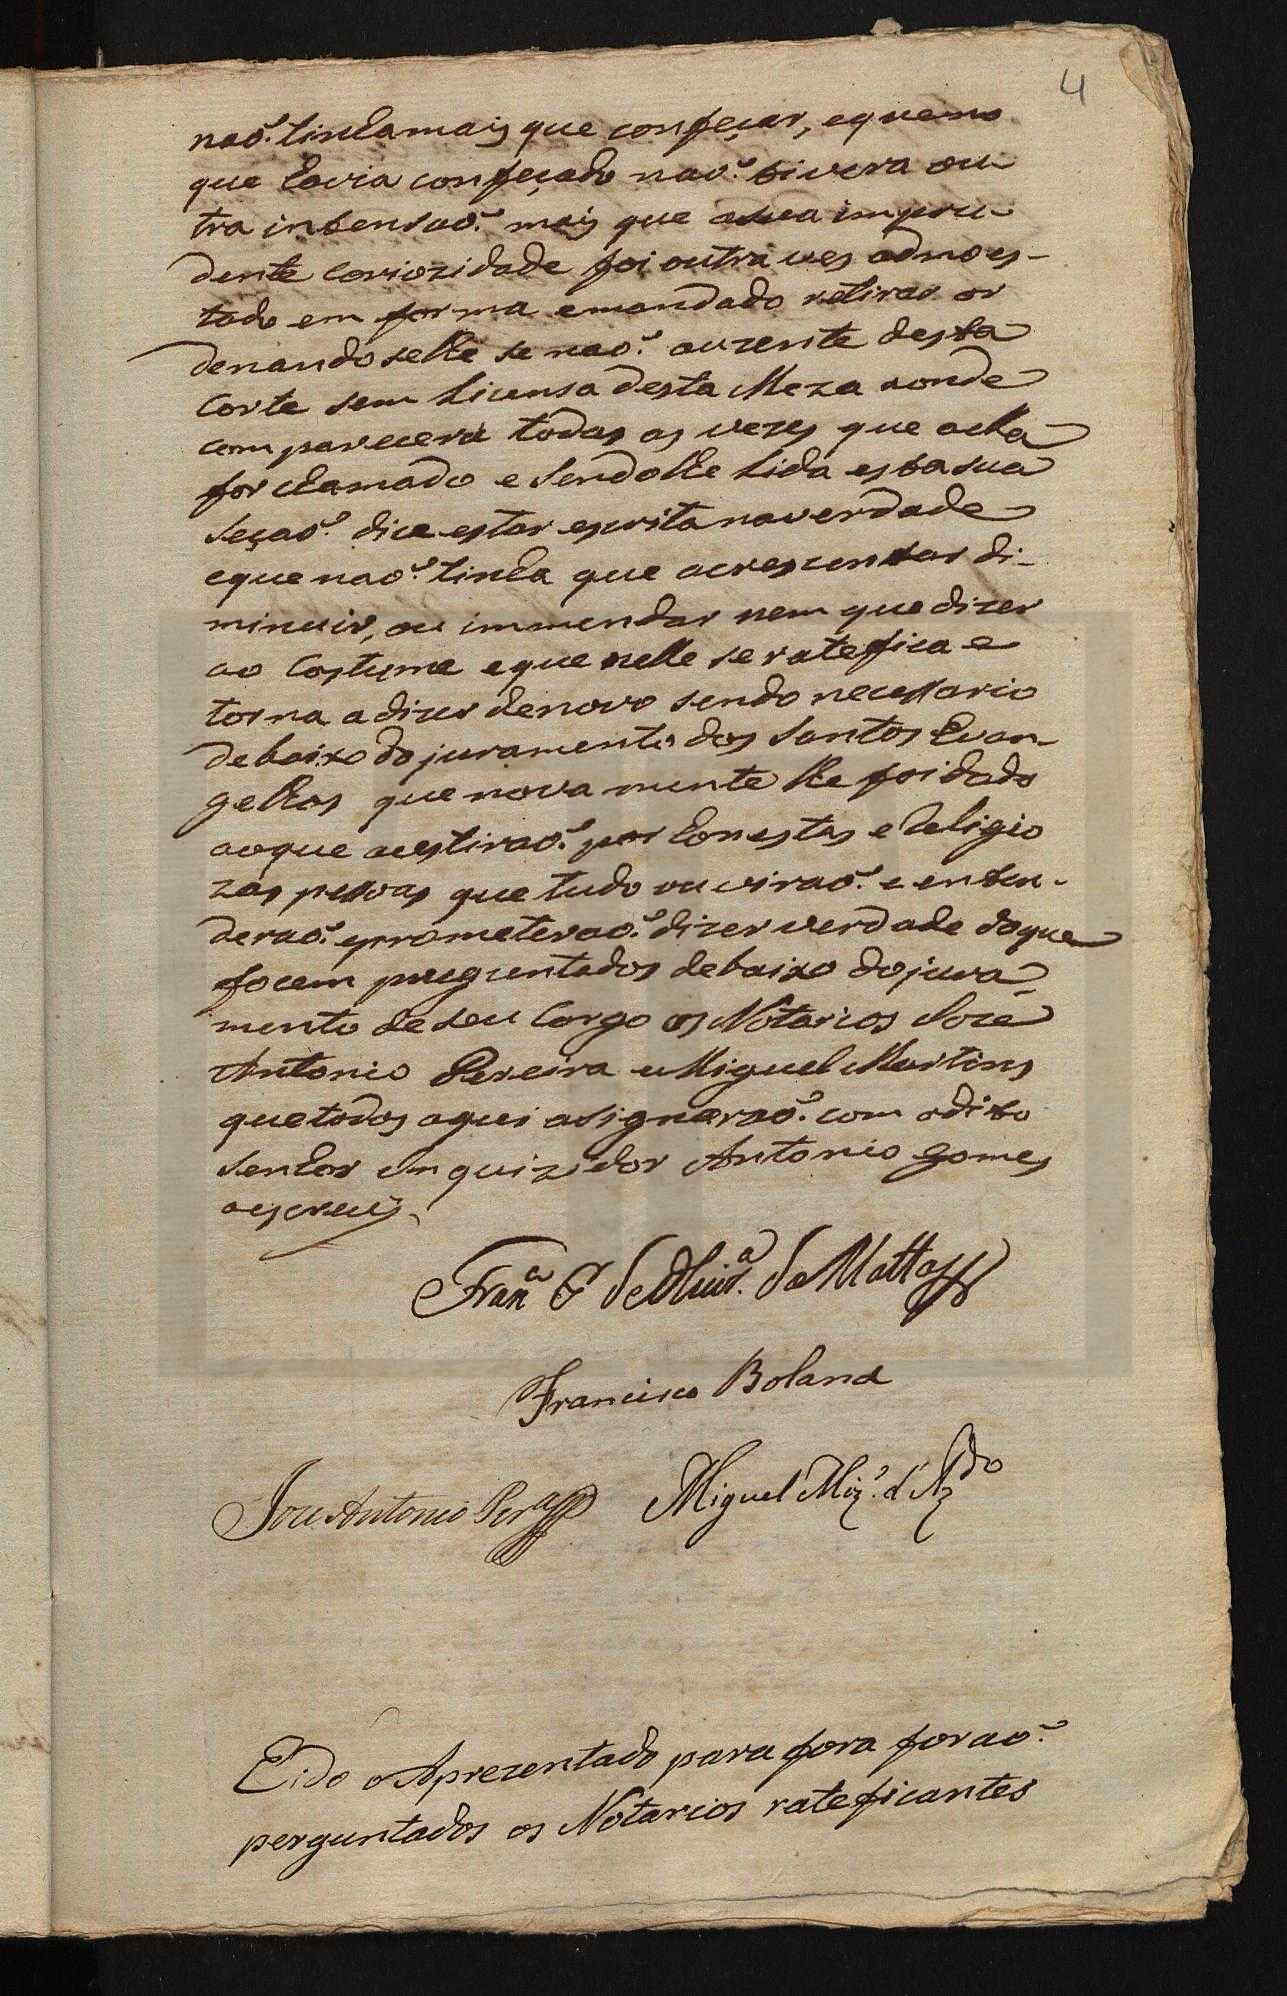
naõ tinha mais que confeçar, e que no
que havia confeçado naõ tivera ou
tra intensaõ mais que a sua impru
dente coriozidade foi outra ves admoes
tado em forma e mandado retirar or
denando se lhe se naõ auzente desta
corte sem Licensa desta Meza aonde
comparecerá todas as vezes que a ella
for chamado e sendo lhe Lida esta sua
seçaõ dice estar escrita na verdade
e que naõ tinha que acrescentar di
minuir, ou immendar, nem que dizer
ao costume e que nelle se ratefica e
torna a dizer de novo sendo necessario
debaixo do juramento dos Santos Evan
gelhos que novamente lhe foi dado
ao que acestiraõ por honestas e Religio
zas pessoas que tudo ouviraõ e enten
deraõ e prometeraõ dizer verdade do que
focem preguntados debaixo do jura
mento de seu Cargo os Notarios Ioze
Antonio Pereira e Miguel Martins
que todos aqui asignaraõ com o dito
senhor Inquizidor Antonio Gomes
o escreuj
Fran.co x.r de Oliur.a da Matta
Francisco Boland
Ioze Antonio Per.a Miguel Miz̄ d'Az.do
E ido o Aprezentado para fora foraõ
perguntados os Notarios rateficantes
